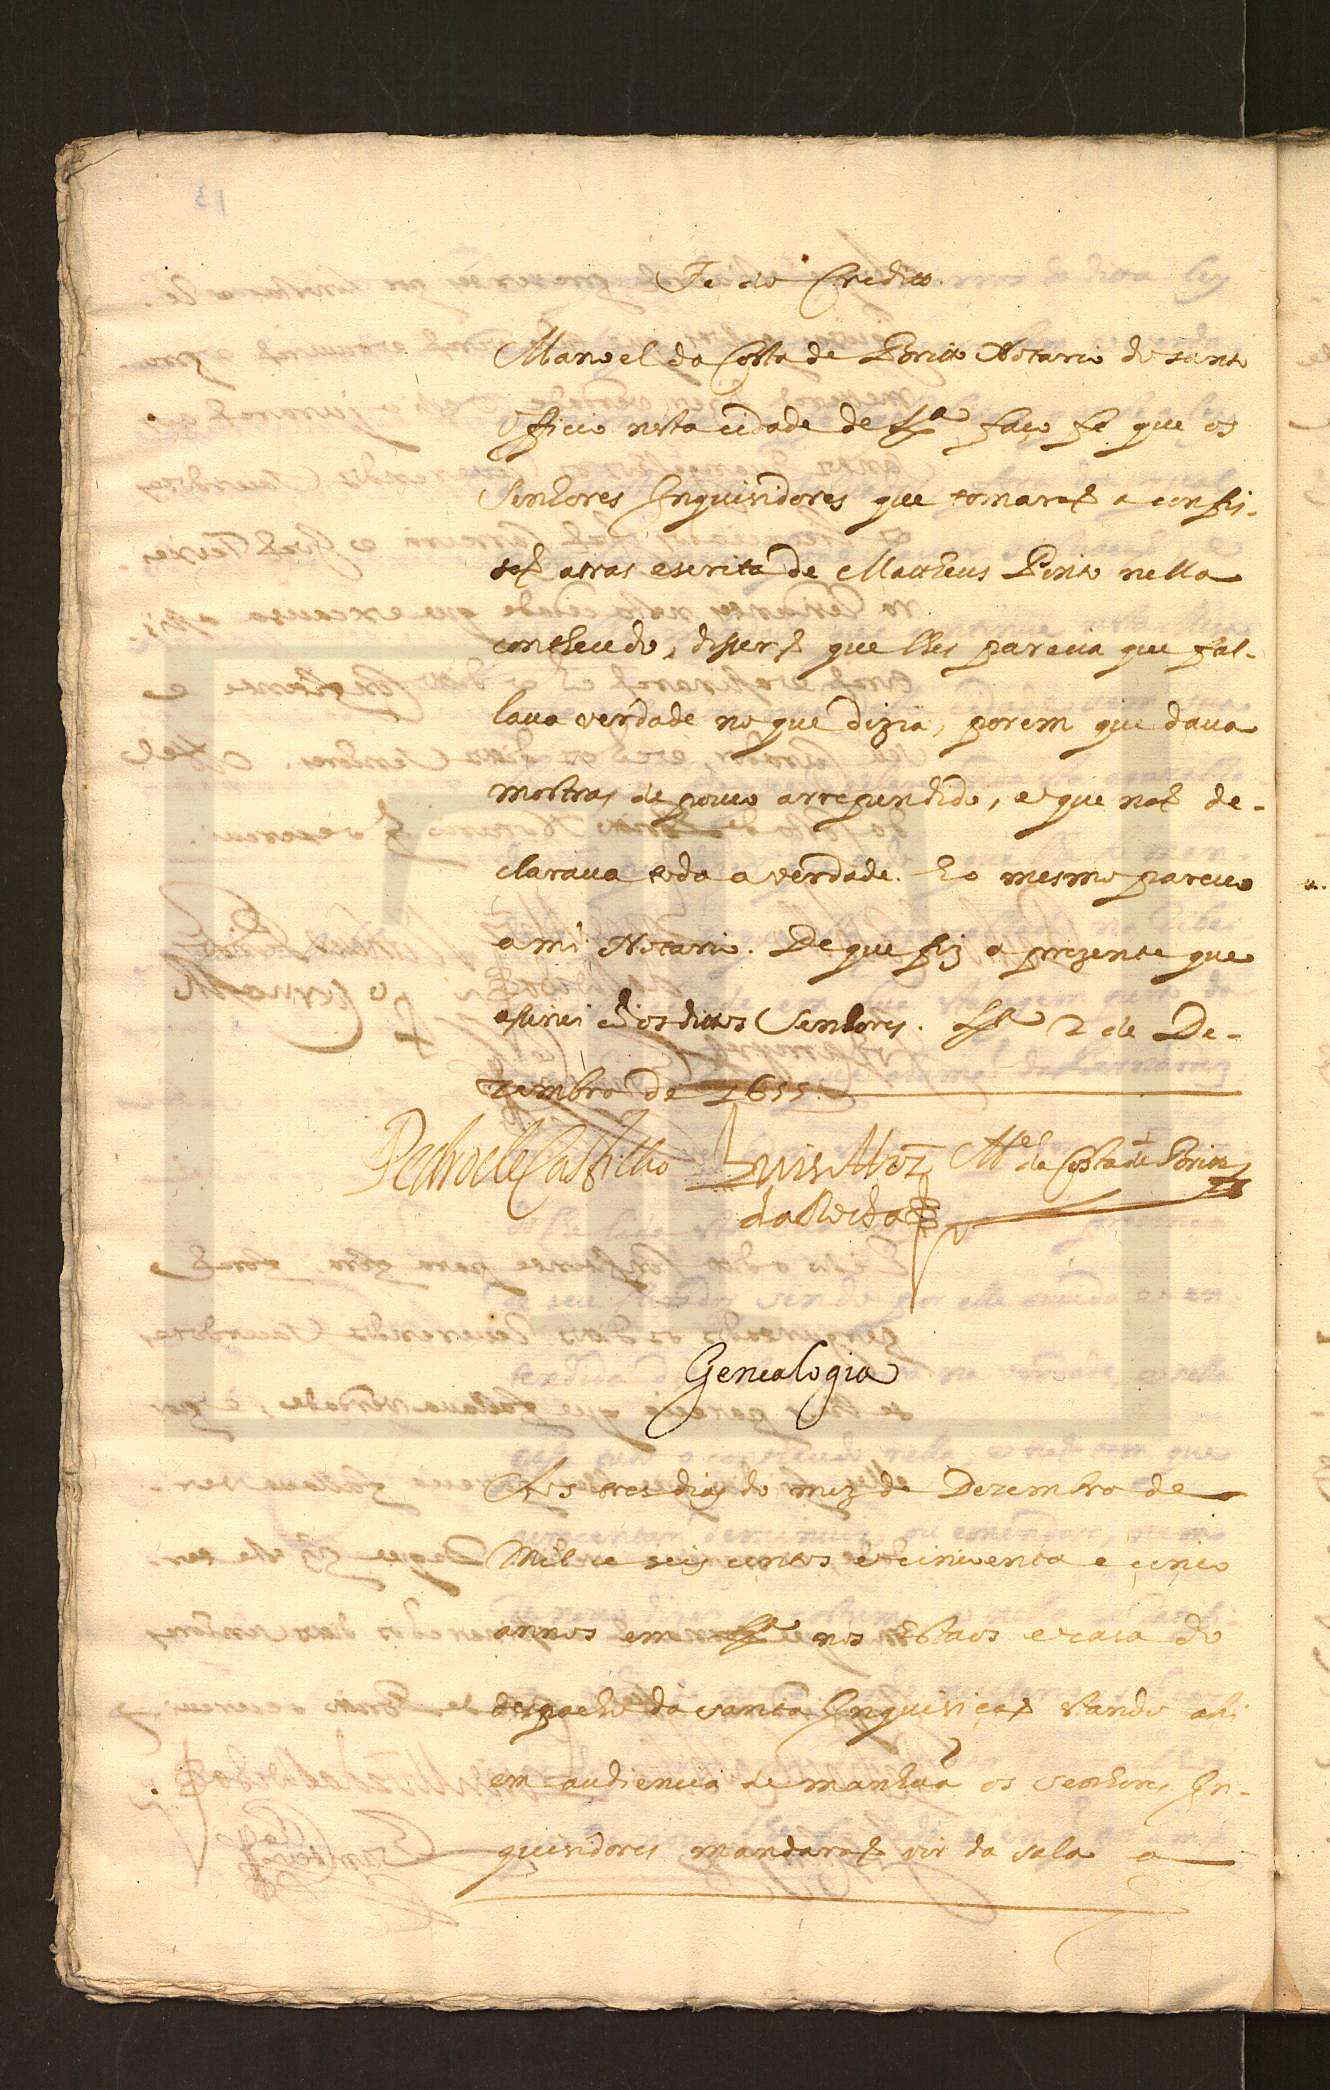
Fe do Credito.
Manoel da Costa de Britto Notario do santo
Officio nesta cidade de Lxa faço fe que os
Senhores Jnquisidores que tomaraõ a confis
saõ atras escrita de Mattheus Pinto nella
contheudo, disseraõ que lhes parecia que fal
laua verdade no que dizia, porem que daua
mostras de pouco arrependido, e que naõ de
claraua toda a verdade. E o mesmo pareceo
a mī. Notario. De que fiz o prezente que
assinei cō os dittos Senhores. Lxa 2 de De
zembro de 1655.
Genealogia
Aos tres dias do mez de Dezembro de
mil e seiscentos e cincoenta e cinco
annos em Lxa nos Estaos e casa do
despacho da santa Jnquisiçaõ estando ahi
em audiencia de manhaã os Senhores Jn
quisidores mandaraõ vir da sala a
